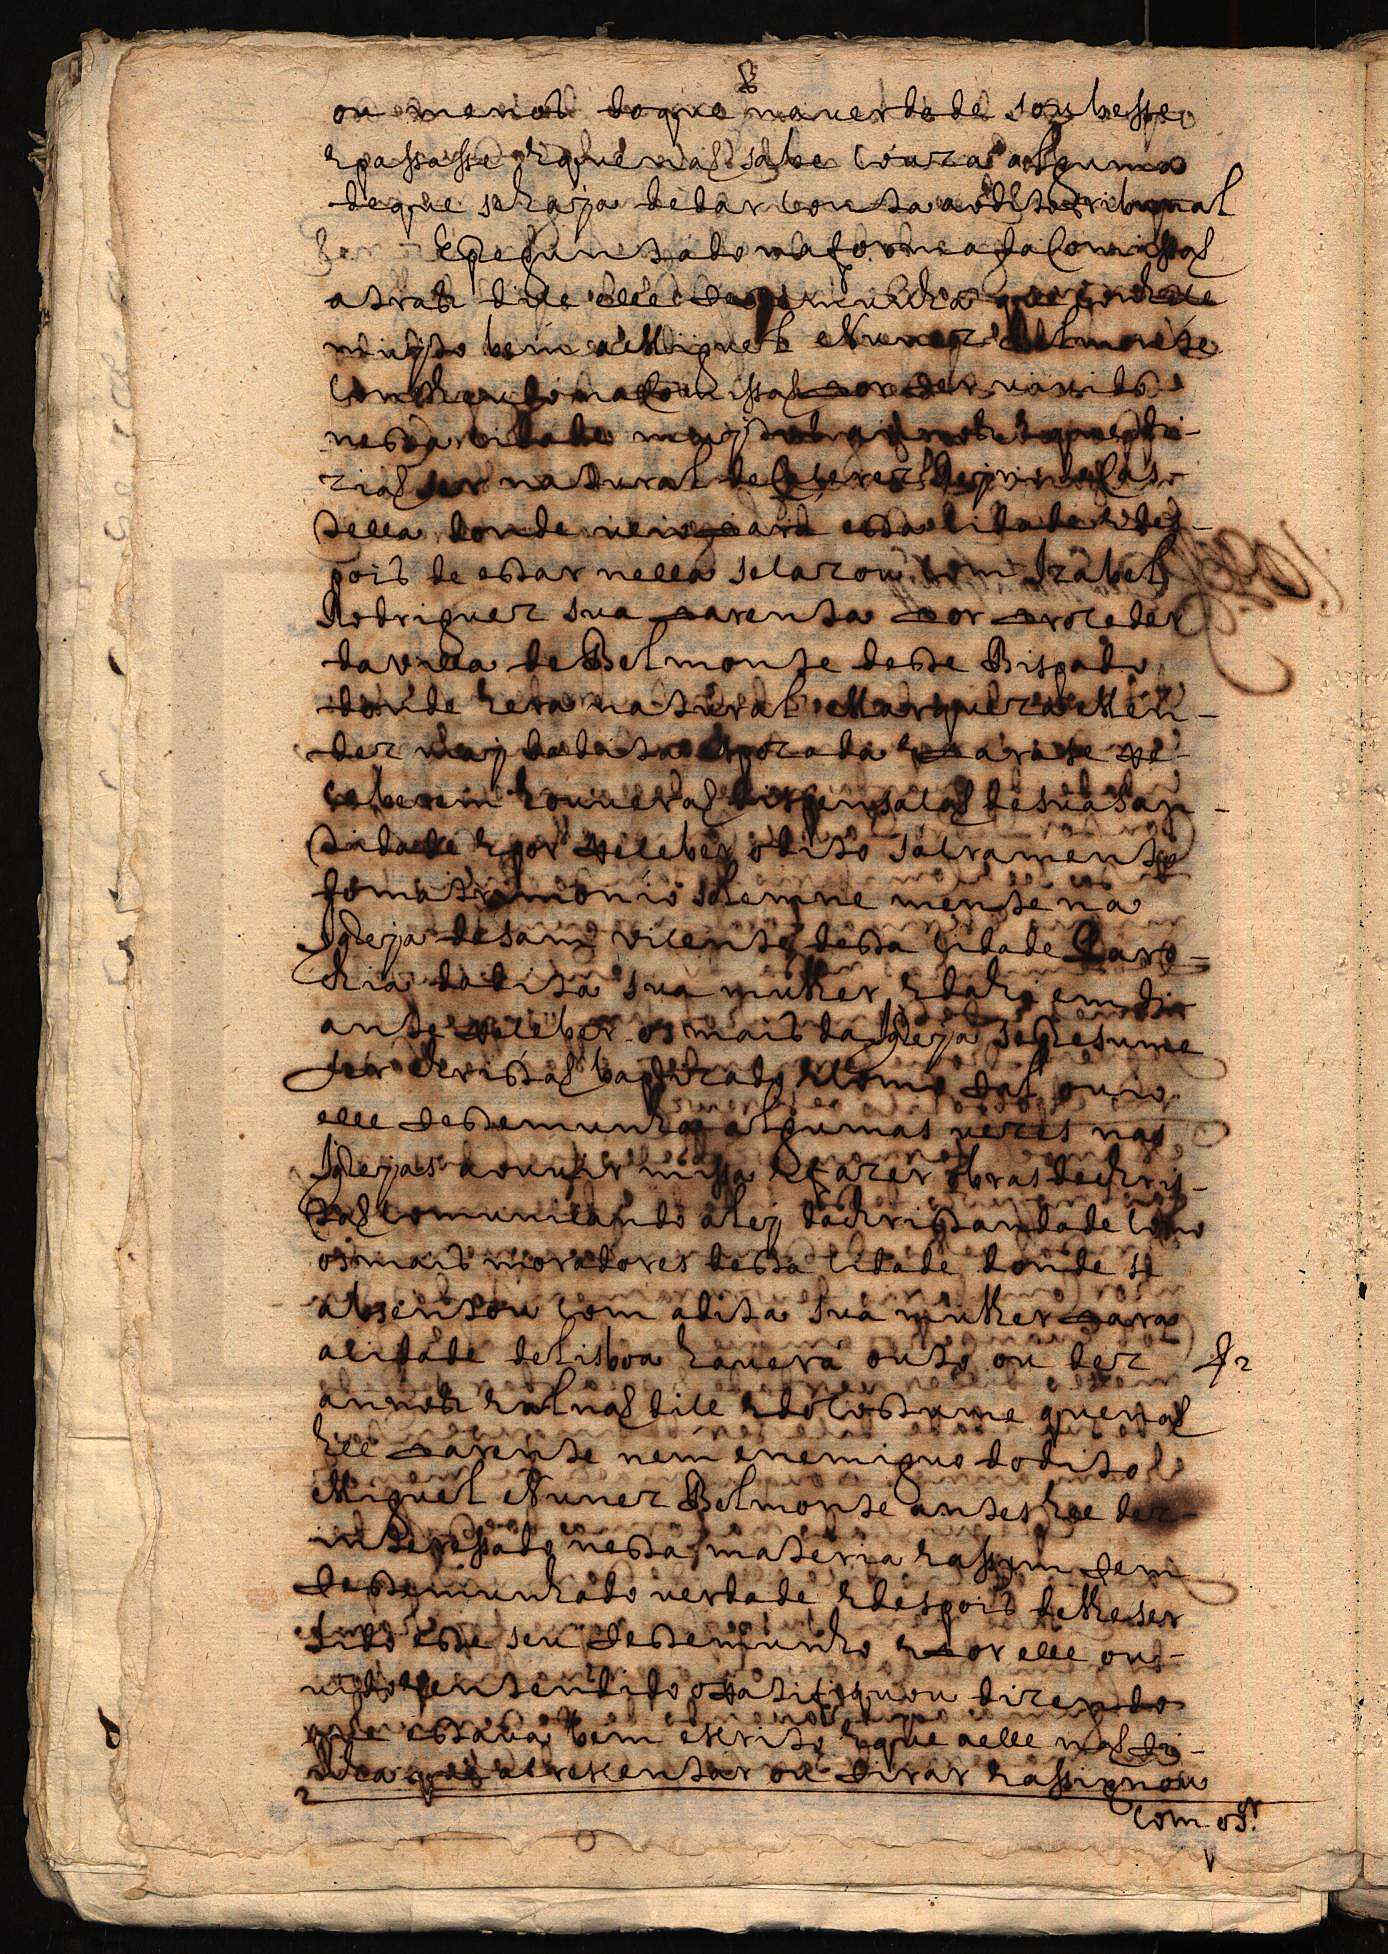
ou menos do que na uerdade soubesse
E passasse de que naõ sabe couza alguma
de que se haja de dar conta ao dito tribunal
E preguntado na forma da Comissaõ
atras dice elle testemunha que conhece
mujto bem a Miguel Nunez Belmonte
comtheudo na Comissaõ por ter uiuido
nesta Cidade mujtos annos E que di
ziaõ ser natural de Caçerez Rejno de Cas
tella donde ueio para esta cidade E de
pois de estar nella se cazou com Izabel
Rodriguez sua parenta por proceder
da villa de Belmonte deste Bispado
donde hera natural Marqueza Men
dez maj da dita espozada E para se Re
ceberem houueraõ dispensaçaõ de sua san
tidade E por Receber o dito sacramento
do matrimonio solemnemente na
Igreja de sam vicente desta cidade Paro
chia da dita sua mulher E dahi em di
ante Receber os mais da Igreja se presume
ser christaõ baptizado E como tal o uio
elle testemunha algumas vezes nas
Igrejas ouuindo missa E fazer obras de chris
taõ comunicando a lej da christandade como
os mais moradores desta cidade donde se
absentou com a dita sua mulher para
a cidade de Lisboa hauerá outo ou dez
annos E al naõ diçe E do costume que naõ
hee parente nem enemiguo do dito
Miguel Nunez Belmonte antes hee dez
interessado nesta materia E assym tem
testemunhado uerdade E despois de lhe ser
lido este seu testemunho E por elle ou
uido E entendido o Ratifiquou dizendo
que estaua bem escrito E que a elle naõ ti
nha que acrescentar ou tirar E assignou
com o sor.
